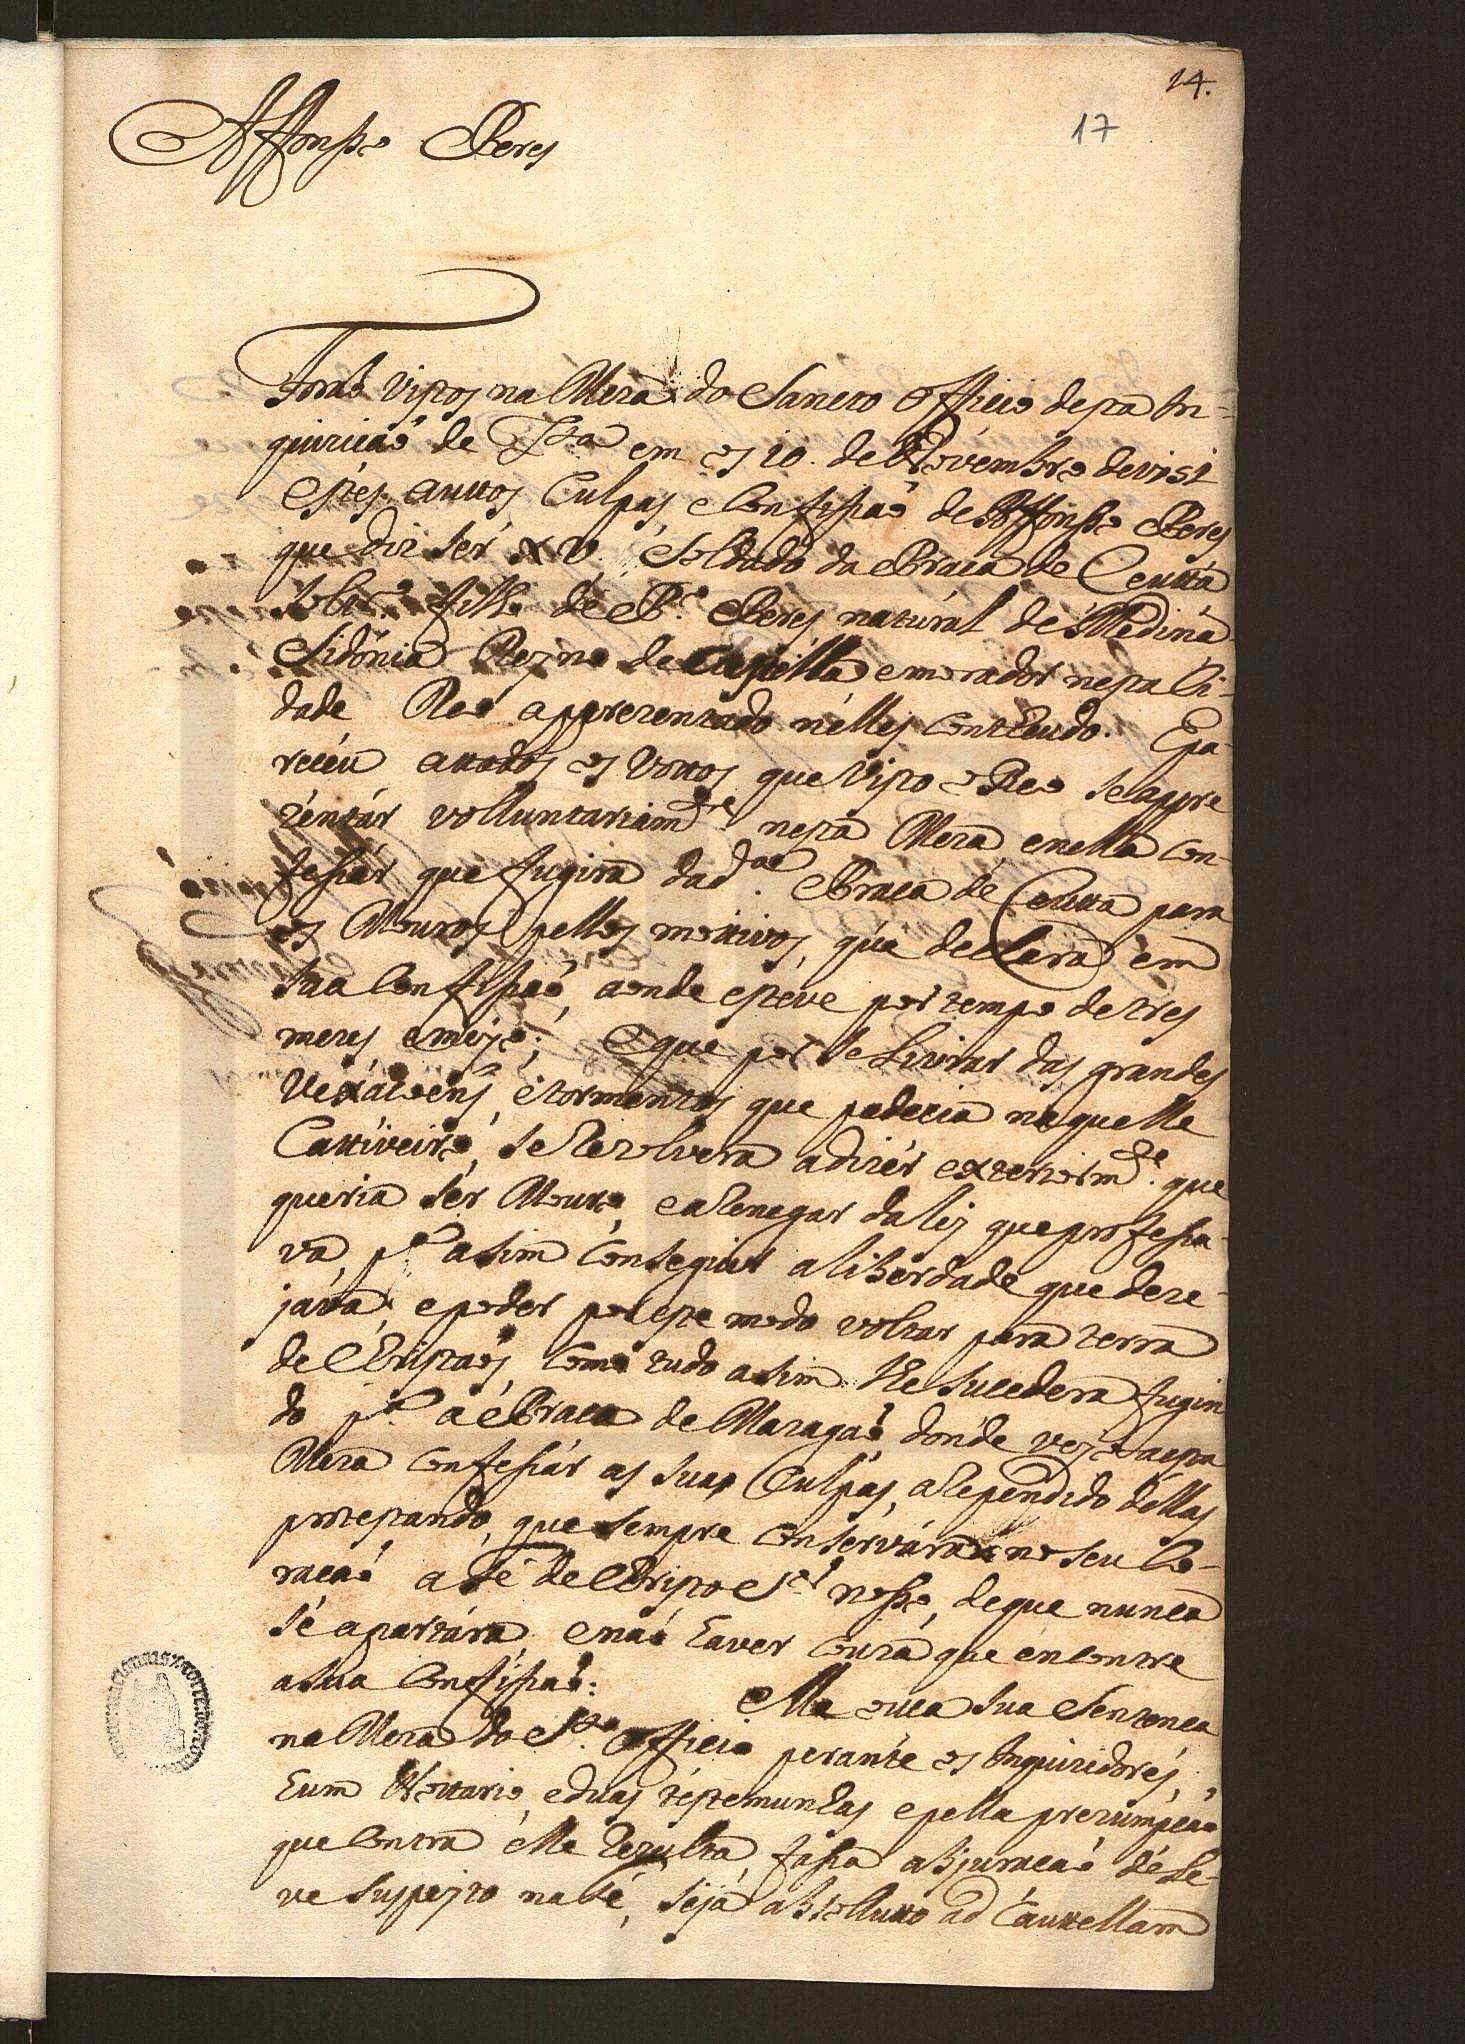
14.
Affonsso Peres
Foraõ vistos na Meza do Sancto officio dessa In
quizição de Lxa. em os i0. de Novembro de i75i
estes auttos, Culpas, e confisssaõ de Affonsso Peres
que diz ser x v., Soldado da Praça de Ceutta,
soltr.o filho de P.o Peres natural de Medina
Sidónia Reyno de Castilla, e morador nesta Ci
dade, Reo apprezentado nelles contheudo. E pa
receu a ttodos os vottos que visto o Reo se appre
zentar volluntariamte nesta Meza, e nella con
fessar que fugira da d.a Praça de Ceutta para
os Mouros pellos mottivos, que declara em
sua confissaõ, aonde esteve por tempo de tres
mezes e meyo; e que por se Livrar das grandes
vexaçoens, e tormentos que padecia naquelle
Cattiveiro, se Rezolvera a dizer exteriorm.te que
queria ser Mouro, e aRenegar da lej que professa
va p.a asim conseguir a liberdade que deze
java, e poder por este modo voltar para terra
de christaõs, como tudo asim lhe sucedera fugin
do p.a a Praça de Mazagaõ donde vejo a esta
Meza confessar as suas Culpas, aRependido dellas
protestando, que sempre conservára no seu Co
ração a Fé de Christo S.or nosso, de que nunca
se apartára, e naõ haver couza que encontre
a sua confissaõ:
elle ouça sua Sentença
na Meza do S.to Officio perante os Inquizidores,
hum Nottario, e duas testemunhas e pella prezumpçaõ
que contra elle Rezulta, fassa abjuraçaõ de Le
ue suspejto na Fé, seja absollutto ad Cautellam
